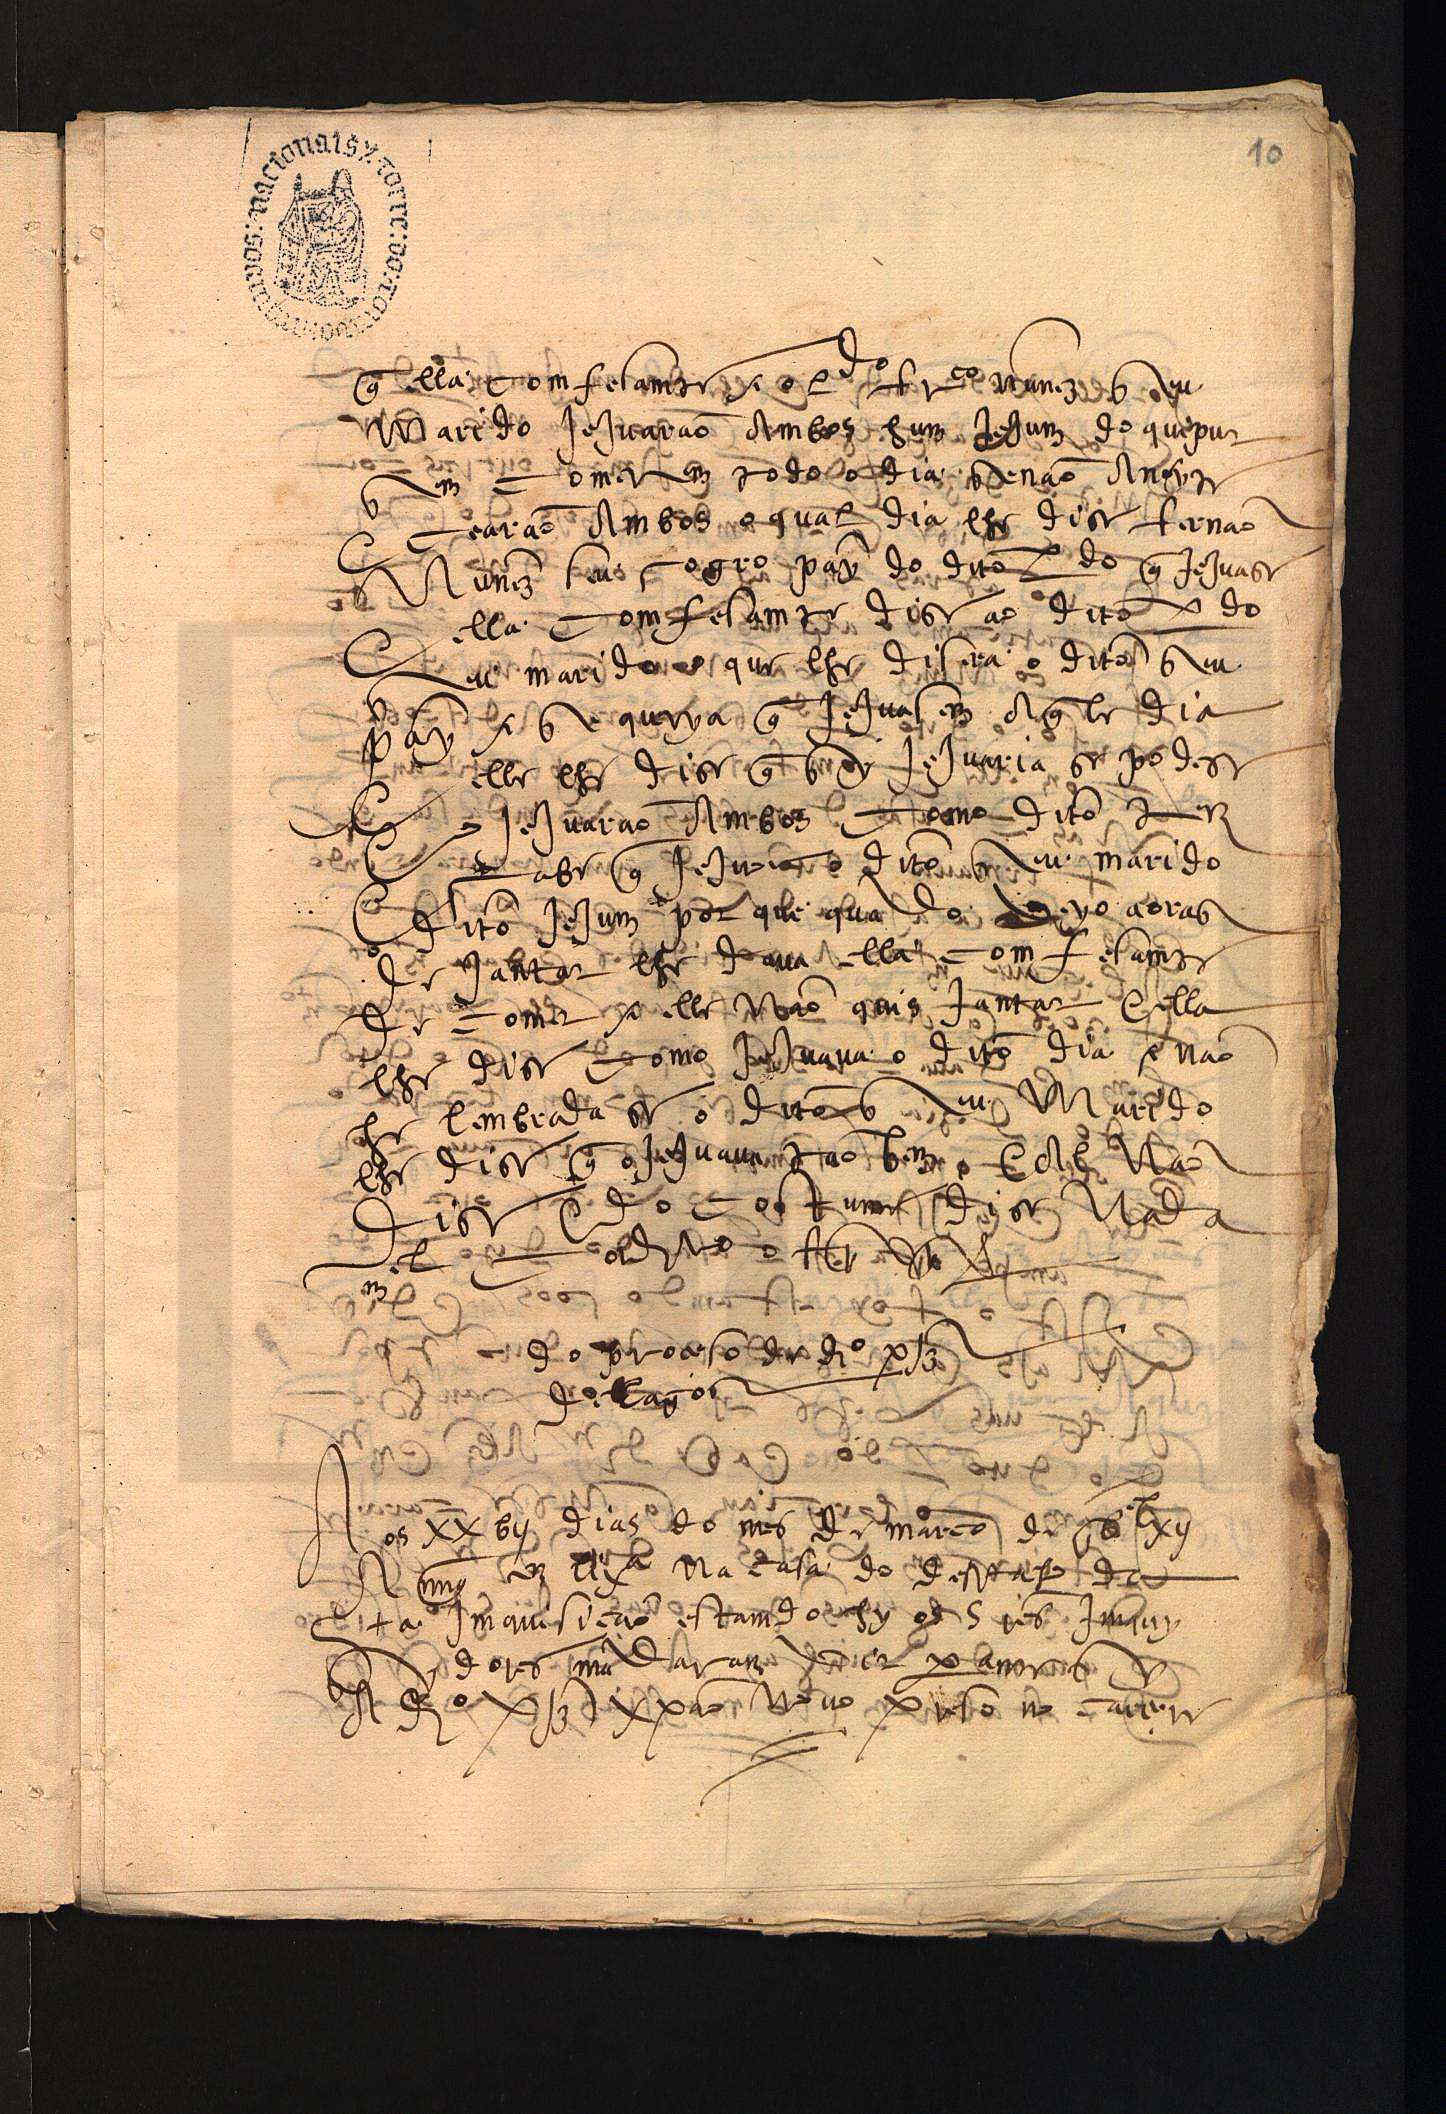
q̄ ella comfesamte e o Ldo frco nūnez seu
marido JeJuaraõ Ambos hum JeJum do quipur
sem comerem todo o dia senaõ A noyte
e cearaõ Ambos o qual dia lhe dise fernaõ
Nunez̄ seu sogro paȳ do dito Ldo q̄ JeJuase
e ella comfesamte dise ao dito Ldo
seu marido o que lhe dizia o ditō seu
pāy e se querya q̄ JeJuasem Aq̄le dia
e elle lhe dise q̄ sy JeJuaria se podese
e o JeJuaraõ Ambos Como ditō tem
e sabe q̄ JeJuou o dit̄o seu marido
o dito JeJum por que quādo veyo a oras
de Jantar lhe daua ella comfesamte
de comer e elle não quis Jantar e ella
lhe dise como JeJuaua o ditō dia e naõ
he lembrada se o ditō seu Marido
lhe dise q̄ o JeJuaua tãobem, e Al Naõ
dise e do costume dise Nada
mel Cordejro o stp̄vy
do proceso de dio pjz̄
do lagos
Aos XXbij dias do mes de marco de jbclxij
Annꝯ en lixa na casa do despacho da
Sta Jmquisiçaõ estamdo hy os srēs Jmquy
sydores mādaram vir ꝑante sy
A djo pjz̄ xpaõ nouo preso no carcere
